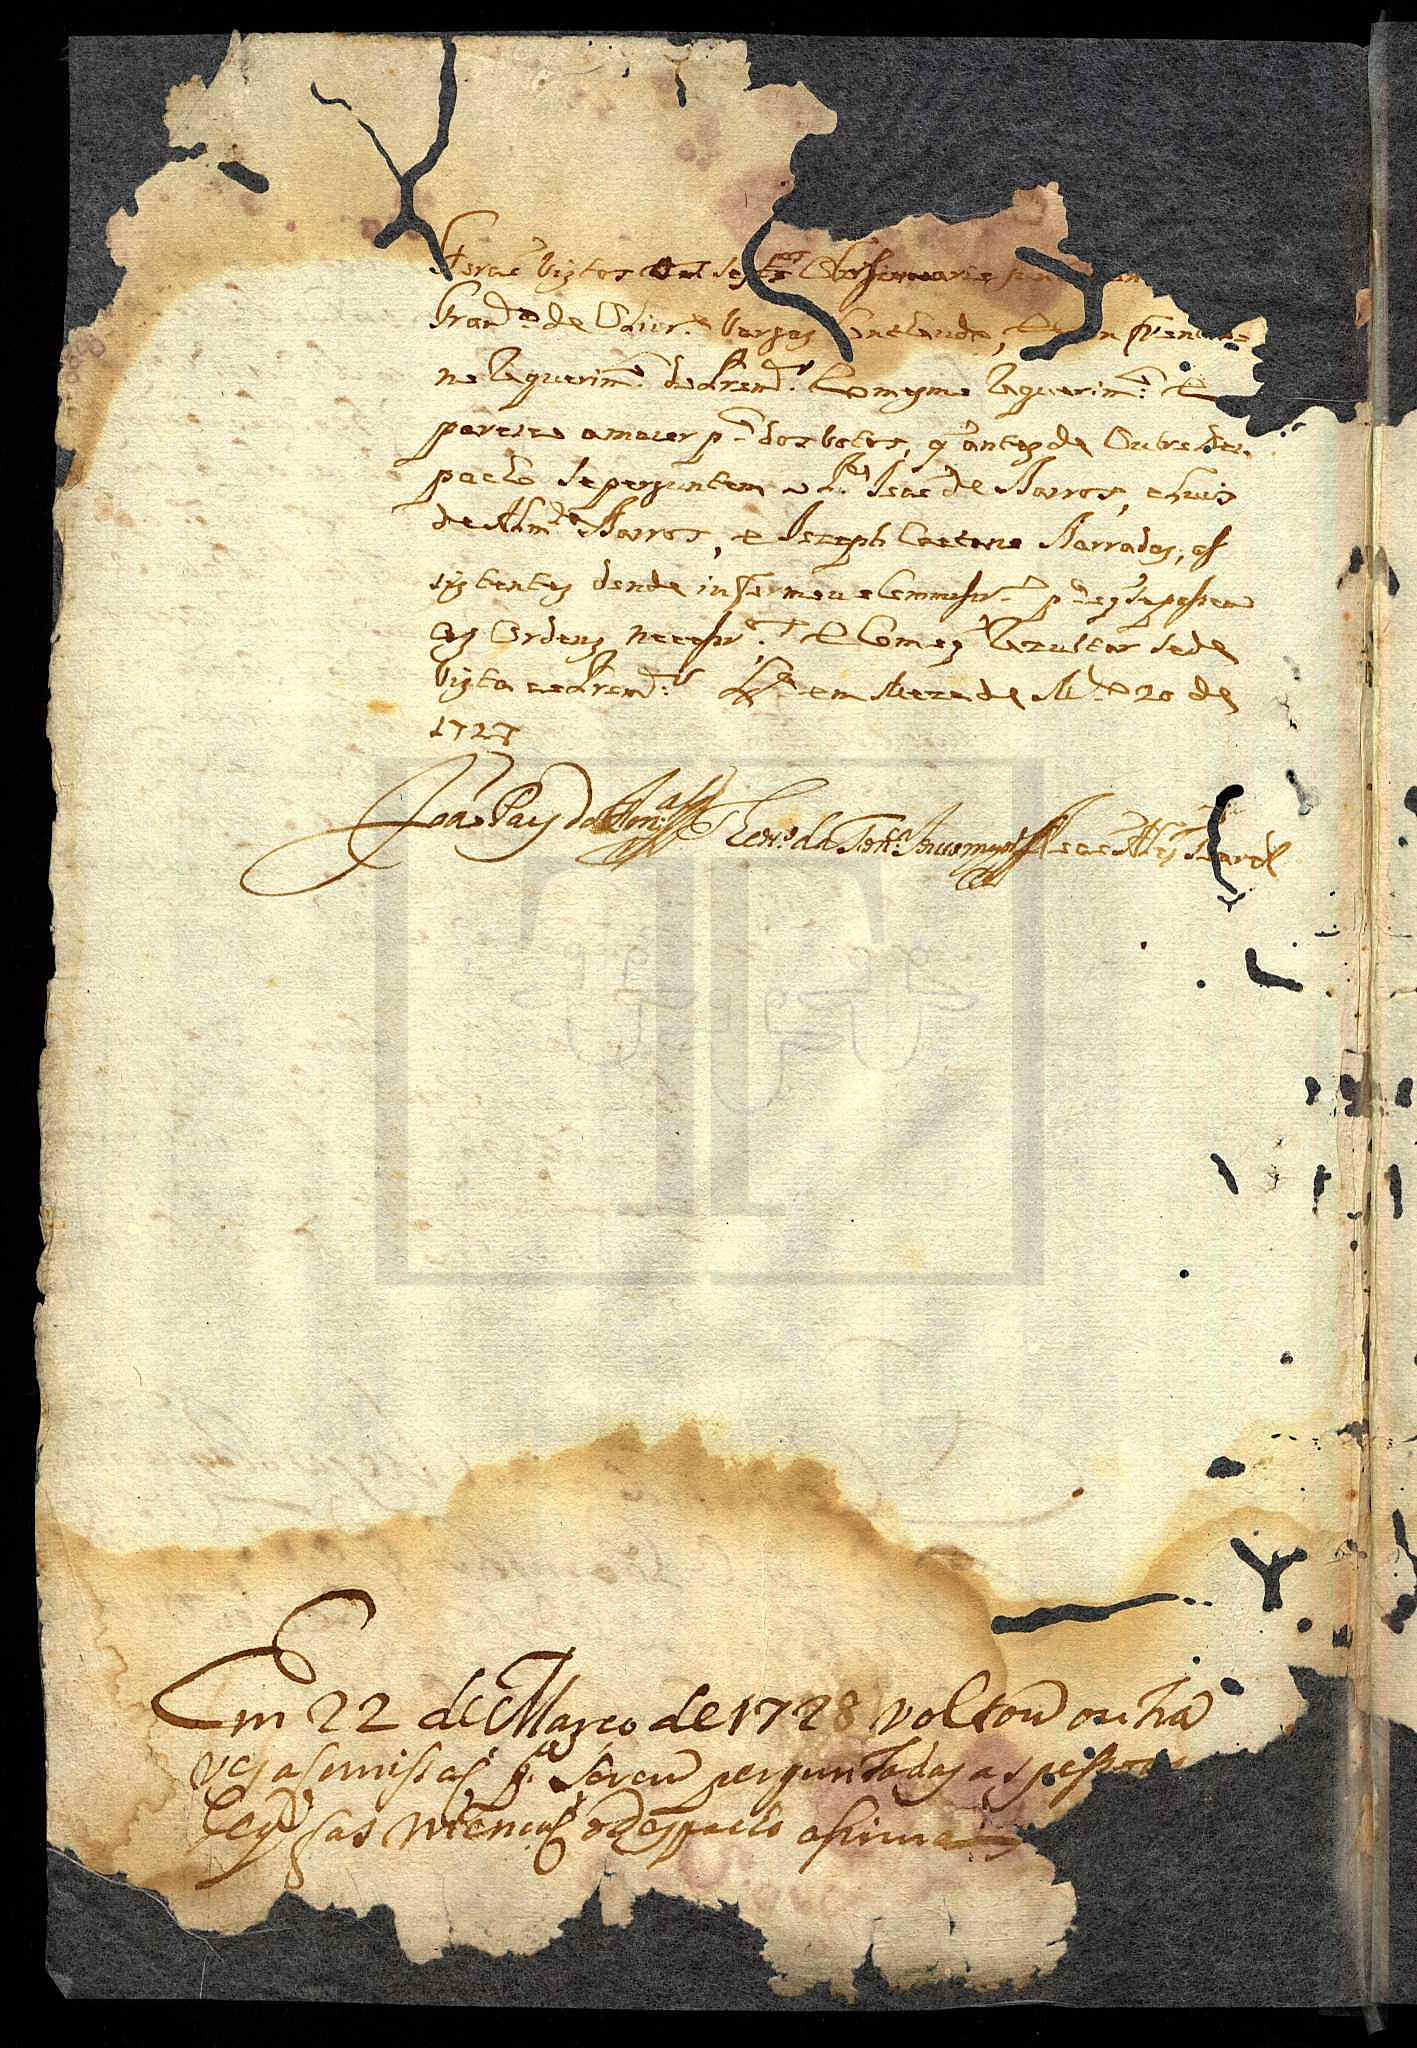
Foraõ Viztos os testos Obo sumario
Fran.co de OLivr.a Vargas Contheudo, E nfron
no Requerim.to do Prom.or E o mesmo Requerimto: E
pareseo a maior p.te dos votos, q̄ antes de Outro Des
pacho se perguntem o P.e Ioaõ de Barros, e Luis
de Alm.da Barros, e Iozeph Caetano Barradas, as
sistentez donde informou o Commissr.o p.a o q̄ se passem
az Ordenz necessar.as E Com o q̄ Rezultar se de
Vizta ao Prom.or Lxa em Meza de M.co 20 de
1728
João Paes do Am.al
Theot.o da Fon.ca Souttomayor
Joaõ Alez̄ Soarez
Em 22 de Março de 1728 voltou outra
ves a Comissaꝭ p.a serem perguntadas as pessoas
de q̄ fas mençaõ o despacho assima
